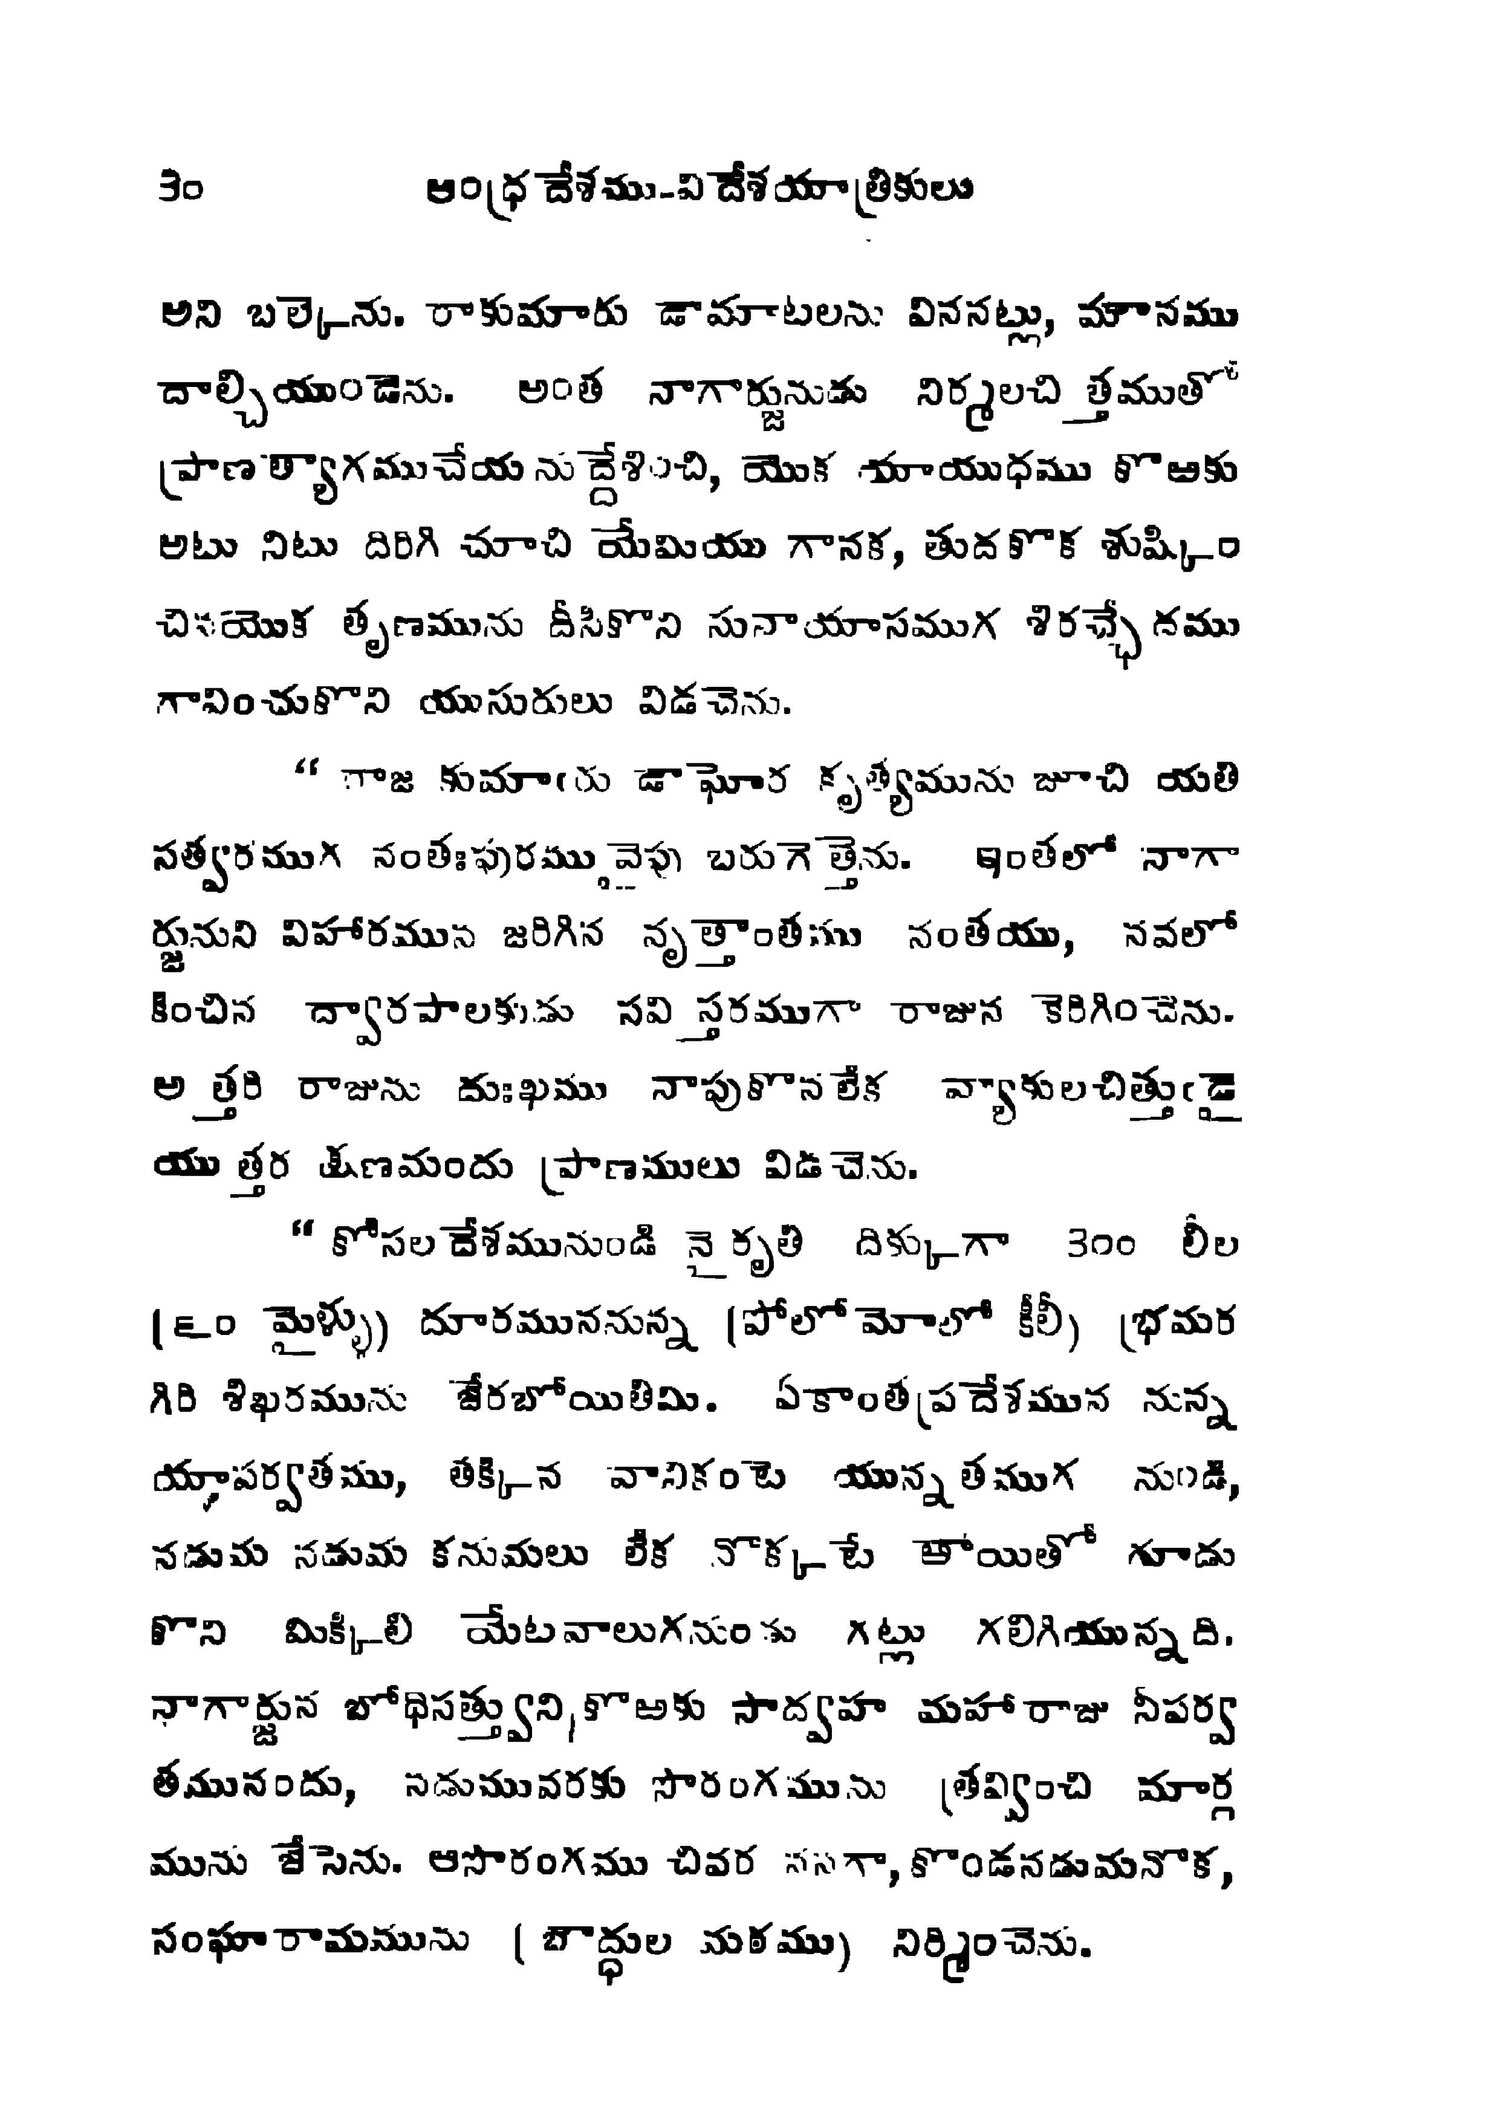అని బల్కెను. రాకుమారు డామాటలను విననట్లు, మౌనము దాల్చియుండెను. అంత నాగార్జునుడు నిర్మలచిత్తముతో ప్రాణత్యాగముచేయనుద్దేశించి, యొక యాయుధము కొఱకు అటు నిటు దిరిగి చూచి యేమియు గానక, తుదకొక శుష్కించినయొక తృణమును దీసికొని సునాయాసముగ శిరచ్ఛేదము గావించుకొని యుసురులు విడచెను.

"రాజ కుమారు డాఘోర కృత్యమును జూచి యతి సత్వరముగ నంత:పురమువైపు బరుగెత్తెను. ఇంతలో నాగార్జునుని విహారమున జరిగిన వృత్తాంతము నంతయు, నవలోకించిన ద్వారపాలకుడు సవిస్తరముగా రాజున కెరిగించెను. అత్తరి రాజును దు:ఖము నాపుకొనలేక వ్యాకులచిత్తుడై యుత్తర క్షణమందు ప్రాణములు విడచెను.

"కోసల దేశమునుండి నైరృతి దిక్కుగా 300 లీల (60 మైళ్ళు) దూరముననున్న (పోలోమోలో కీలీ) భ్రమరగిరి శిఖరమును జేరబోయితిమి. ఏకాంతప్రదేశమున నున్న యాపర్వతము, తక్కిన వానికంటె యున్నతముగ నుండి, నడుమ నడుమ కనుమలు లేక నొక్కటే ఱాయితో గూడుకొని మిక్కిలి యేటవాలుగనుండు గట్లు గలిగియున్నది. నాగార్జున బోధిసత్త్వుని కొఱకు సాద్వహ మహారాజు నీపర్వతమునందు, నడుమువరకు సొరంగమును త్రవ్వించి మార్గమును జేసెను. ఆసొరంగము చివర ననగా, కొండనడుమనొక, సంఘారామమును (బౌద్ధుల మఠము) నిర్మించెను.